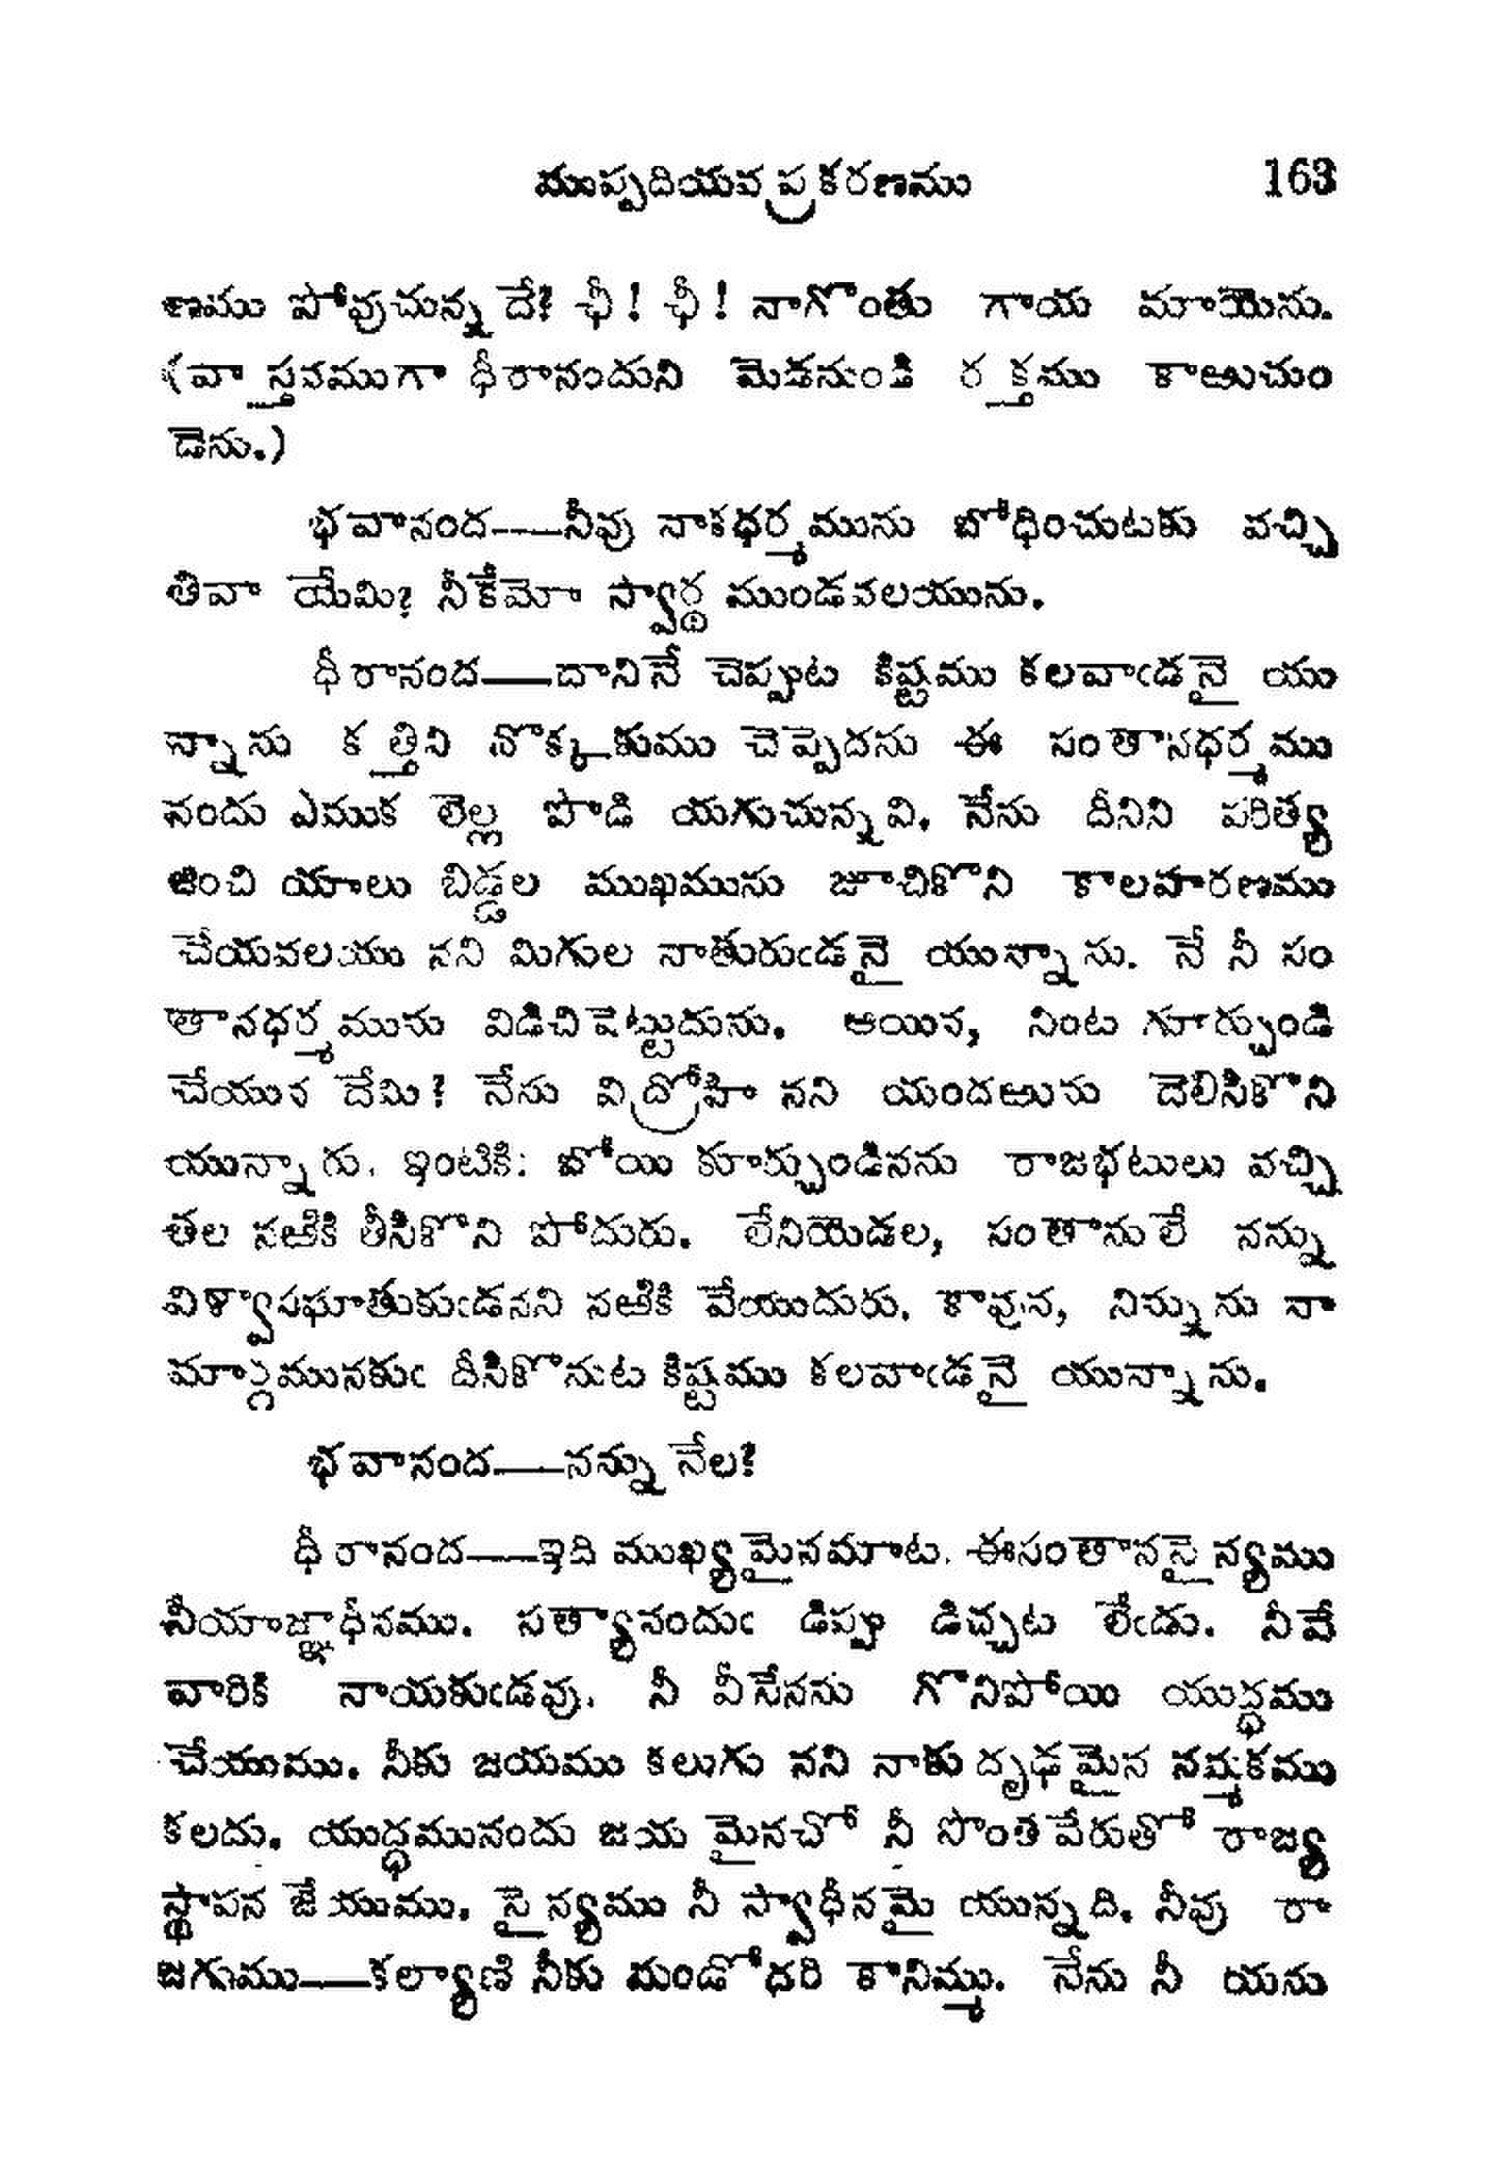ణము పోవుచున్న దే? ఛీ! ఛీ! నాగొంతు గాయ మాయెను.(వాస్తవముగా ధీరానందుని మెడనుండి రక్తము కాఱుచుండెను.)

భవానంద—— నీవు నాకధర్మమును బోధించుటకు వచ్చితివా యేమి? నీకేమో స్వార్థ ముండవలయును.

ధీరానంద—— దానినే చెప్పుట కిష్టము కలవాఁడనై యున్నాను కత్తిని నొక్క కుము చెప్పెదను ఈ సంతానధర్మము నందు ఎముక లెల్ల పొడి యగుచున్నవి. నేను దీనిని పరిత్యజించి యాలు బిడ్డల ముఖమును జూచికొని కాలహరణము
చేయవలయు నని మిగుల నాతురుఁడనై యున్నాను. నే నీ సంతానధర్మమును విడిచి పెట్టుదును. అయిన, నింట గూర్చుండి చేయున దేమి? నేను విద్రోహి నని యందఱును దెలిసికొని యున్నారు. ఇంటికి: బోయి కూర్చుండినను రాజభటులు వచ్చి తల నఱికి తీసికొని పోదురు. లేనియెడల, సంతోనులే నన్ను విశ్వాసఘాతుకుఁడనని నఱికి వేయుదురు.
కావున, నిన్నును నా మార్గమునకుఁ దీసికొనుట కిష్టము కలవాడనై యున్నాను.

భవానంద——నన్ను నేల?

ధీరానంద——ఇది ముఖ్యమైనమాట. ఈసంతానసైన్యము నీయాజ్ఞాధీనము. సత్యానందుఁ డిప్పు డిచ్చట 'లేఁడు. నీవే వారికి నాయకుఁడవు. నీ వీసేనను గొనిపోయి యుద్ధము చేయుము. నీకు జయము కలుగు నని నాకు దృఢమైన నమ్మకము
కలదు. యుద్ధమునందు జయ మైనచో నీ సొంత పేరుతో రాజ్యస్థాపన జేయుము. సైన్యము నీ స్వాధీనమై యున్నది. నీవు రాజగుము—— కల్యాణి నీకు మండోదరి కానిమ్ము. నేను నీ యను